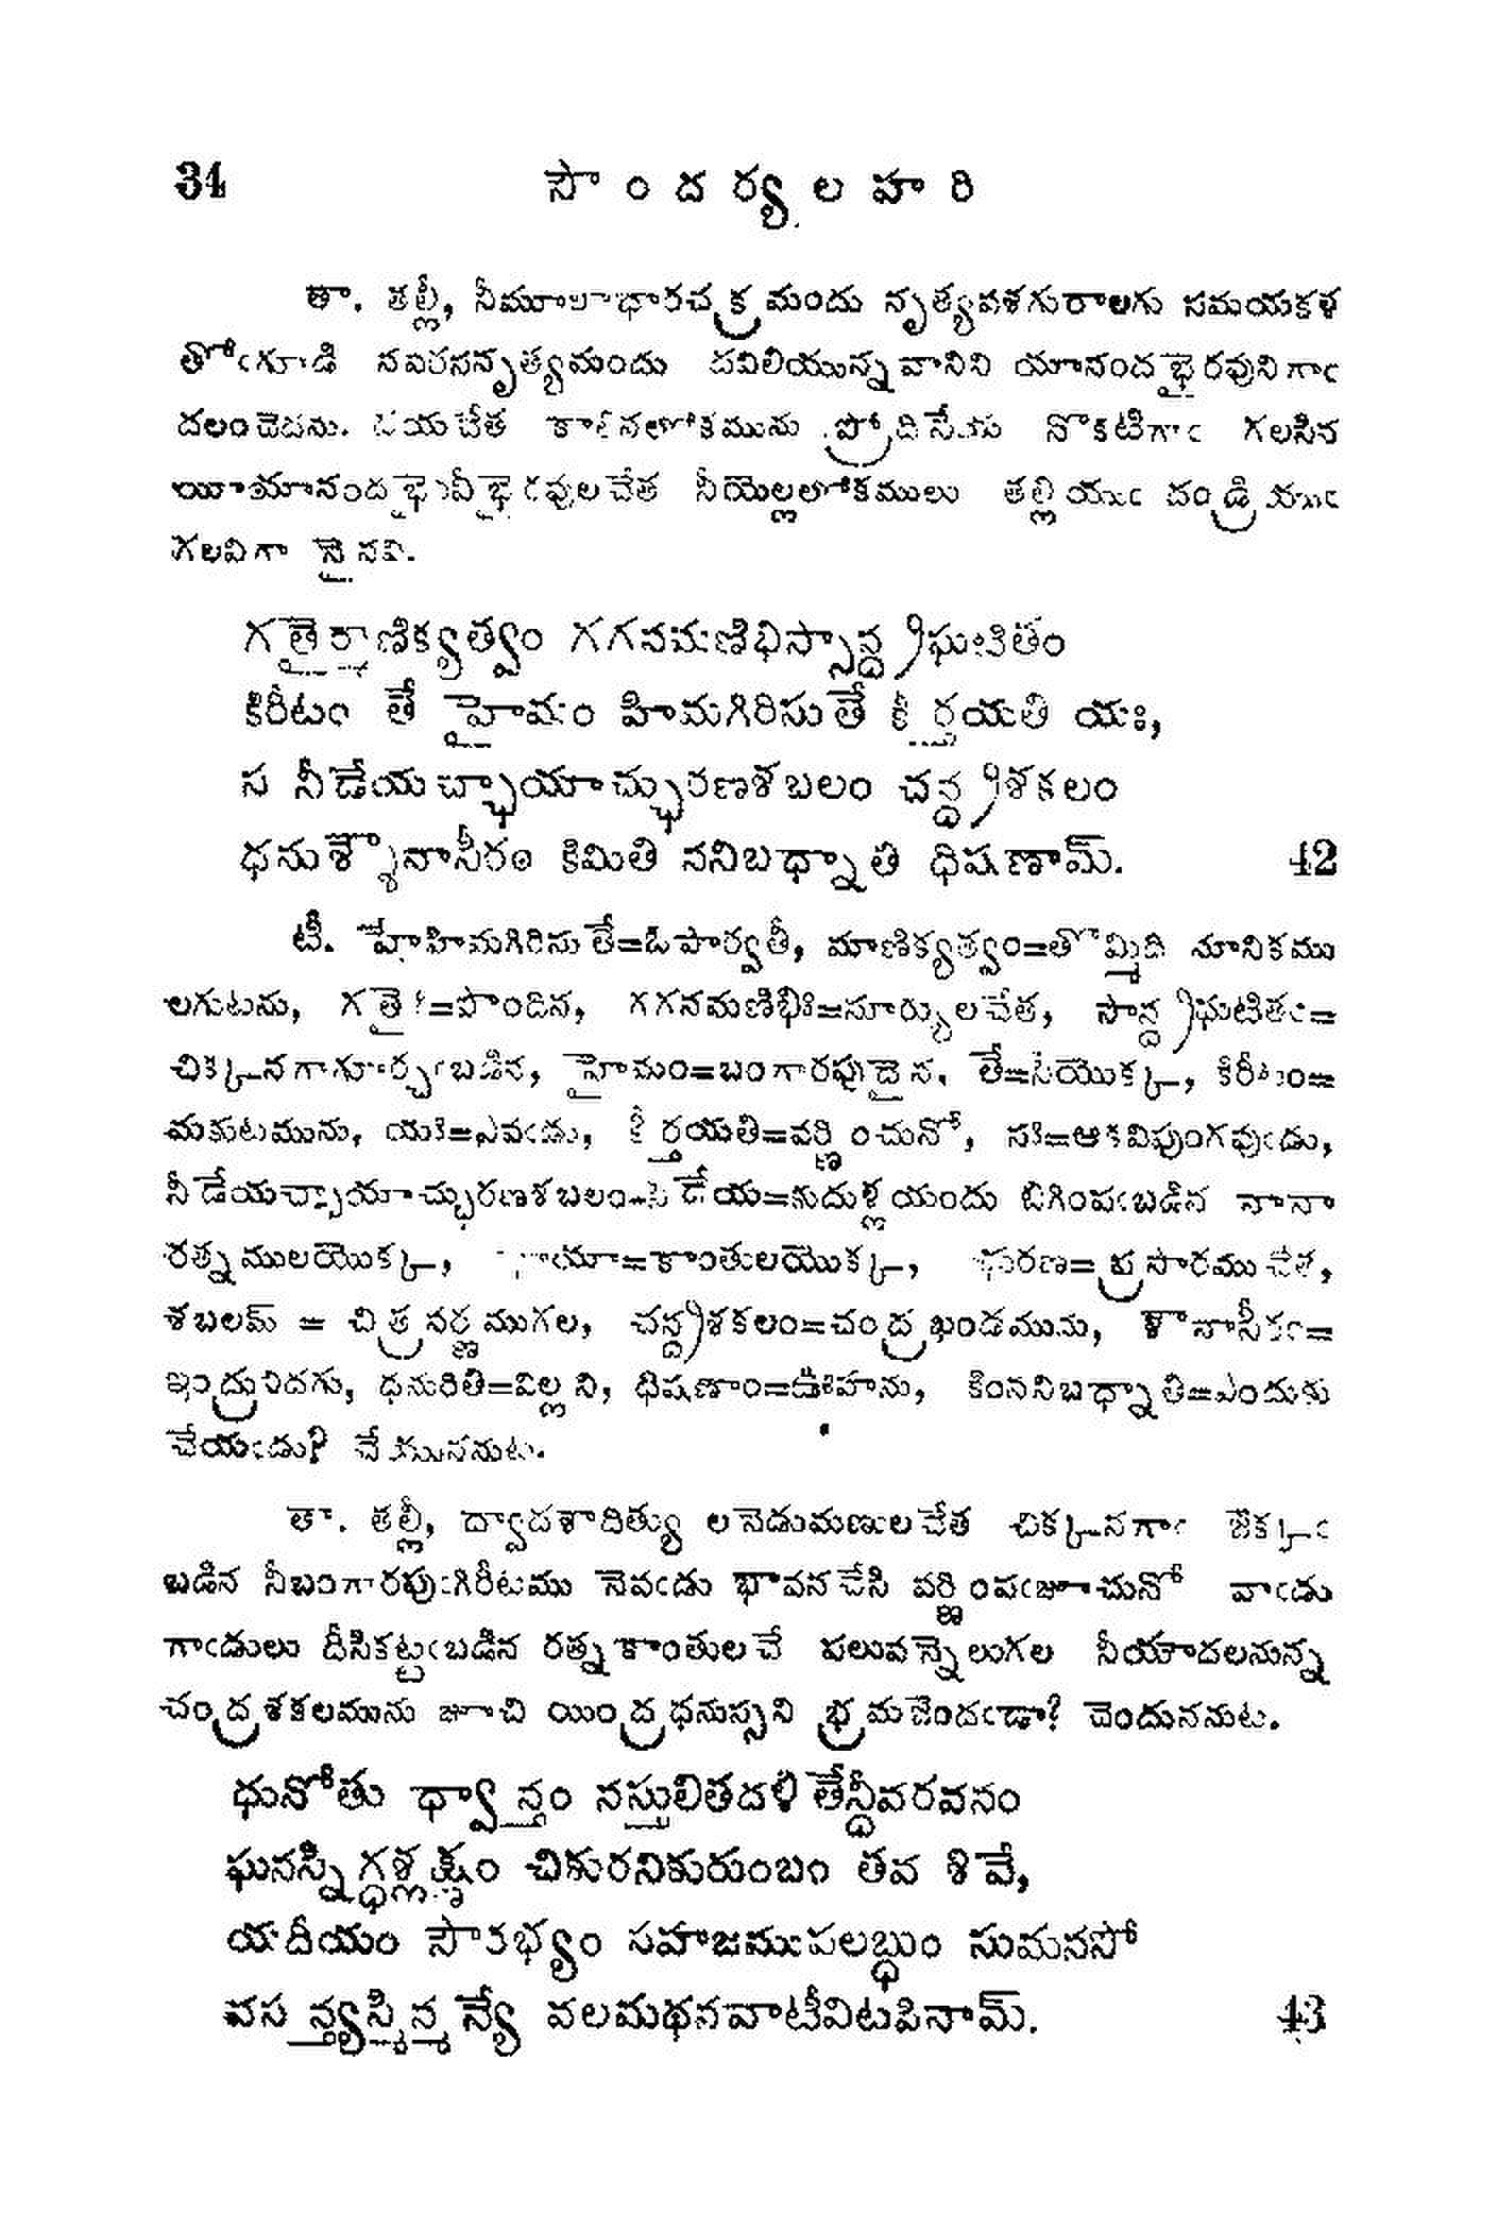తా. తల్లీ, నీమూలాధారచక్రమందు నృత్యవశగురాలగు సమయకళతోఁగూడి నవరసనృత్యమందు దవిలియున్నవానిని యానందభైరవునిగాఁ దలంచెదను. దయచేత కాలినలోకమును ప్రోదిసేయ నొకటిగాఁ గలసిన యీయానందభైరవీభైరవులచేత నీయెల్లలోకములు తల్లియుఁ దండ్రియుఁ గలవిగా నైనవి.

గతైర్మాణిక్యత్వం గగనమణిభిస్సాన్ద్రఘటితం
కిరీటం తే హైమం హిమగిరిసుతే కీర్తయతి యః,
స నీడేయచ్ఛాయాచ్ఛురణశబలం చన్ద్రశకలం
ధనుశ్శౌనాసీరం కిమితి ననిబధ్నాతి ధిషణామ్. 42
టీ. హేహిమగిరిసుతే = ఓపార్వతీ, మాణిక్యత్వం = తొమ్మిది మానికములగుటను, గతైః = పొందిన, గగనమణిభిః = సూర్యులచేత, సాన్ద్రఘటితం = చిక్కనగాగూర్చఁబడిన, హైమం = బంగారపుదైన, తే = నీయొక్క, కిరీటం = మకుటమును, యః = ఎవఁడు, కీర్తయతి = వర్ణించునో, సః = ఆకవిపుంగవుఁడు, నీడేయచ్ఛాయాచ్ఛురణశబలం-నీడేయ = కుదుళ్లయందు బిగింపఁబడిన నానారత్నములయొక్క, ఛాయా = కాంతులయొక్క, ఛురణ = ప్రసారముచేత, శబలమ్ = చిత్రవర్ణముగల, చన్ద్రశకలం = చంద్రఖండమును, శౌనాసీరం = ఇంద్రునిదగు, ధనురితి = విల్లుని, ధిషణాం = ఊహను, కింననిబధ్నాతి = ఎందుకు చేయఁడు? చేయుననుట.

తా. తల్లీ, ద్వాదశాదిత్యుల లనెడుమణులచేత చిక్కనగాఁ జెక్కఁబడిన నీబంగారపుఁగిరీటము నెవఁడు భావనచేసి వర్ణింపఁజూచునో వాఁడు గాఁడులు దీసికట్టఁబడిన రత్నకాంతులచే పలువన్నెలుగల నీయౌదలనున్న చంద్రశకలమును జూచి యింద్రధనస్సని భ్రమజెందఁడా? చెందుననుట.

ధునోతు ధ్వాన్తం నస్తులితదళితేన్దీవరవనం
ఘనస్నిగ్ధశ్లక్ష్ణం చికురనికురుంబం తవ శివే, 
యదీయం సౌరభ్యం సహజముపలబ్ధుం సుమనసో
వసన్త్యస్మిన్మన్యే వలమథనవాటీవిటపినామ్. 43